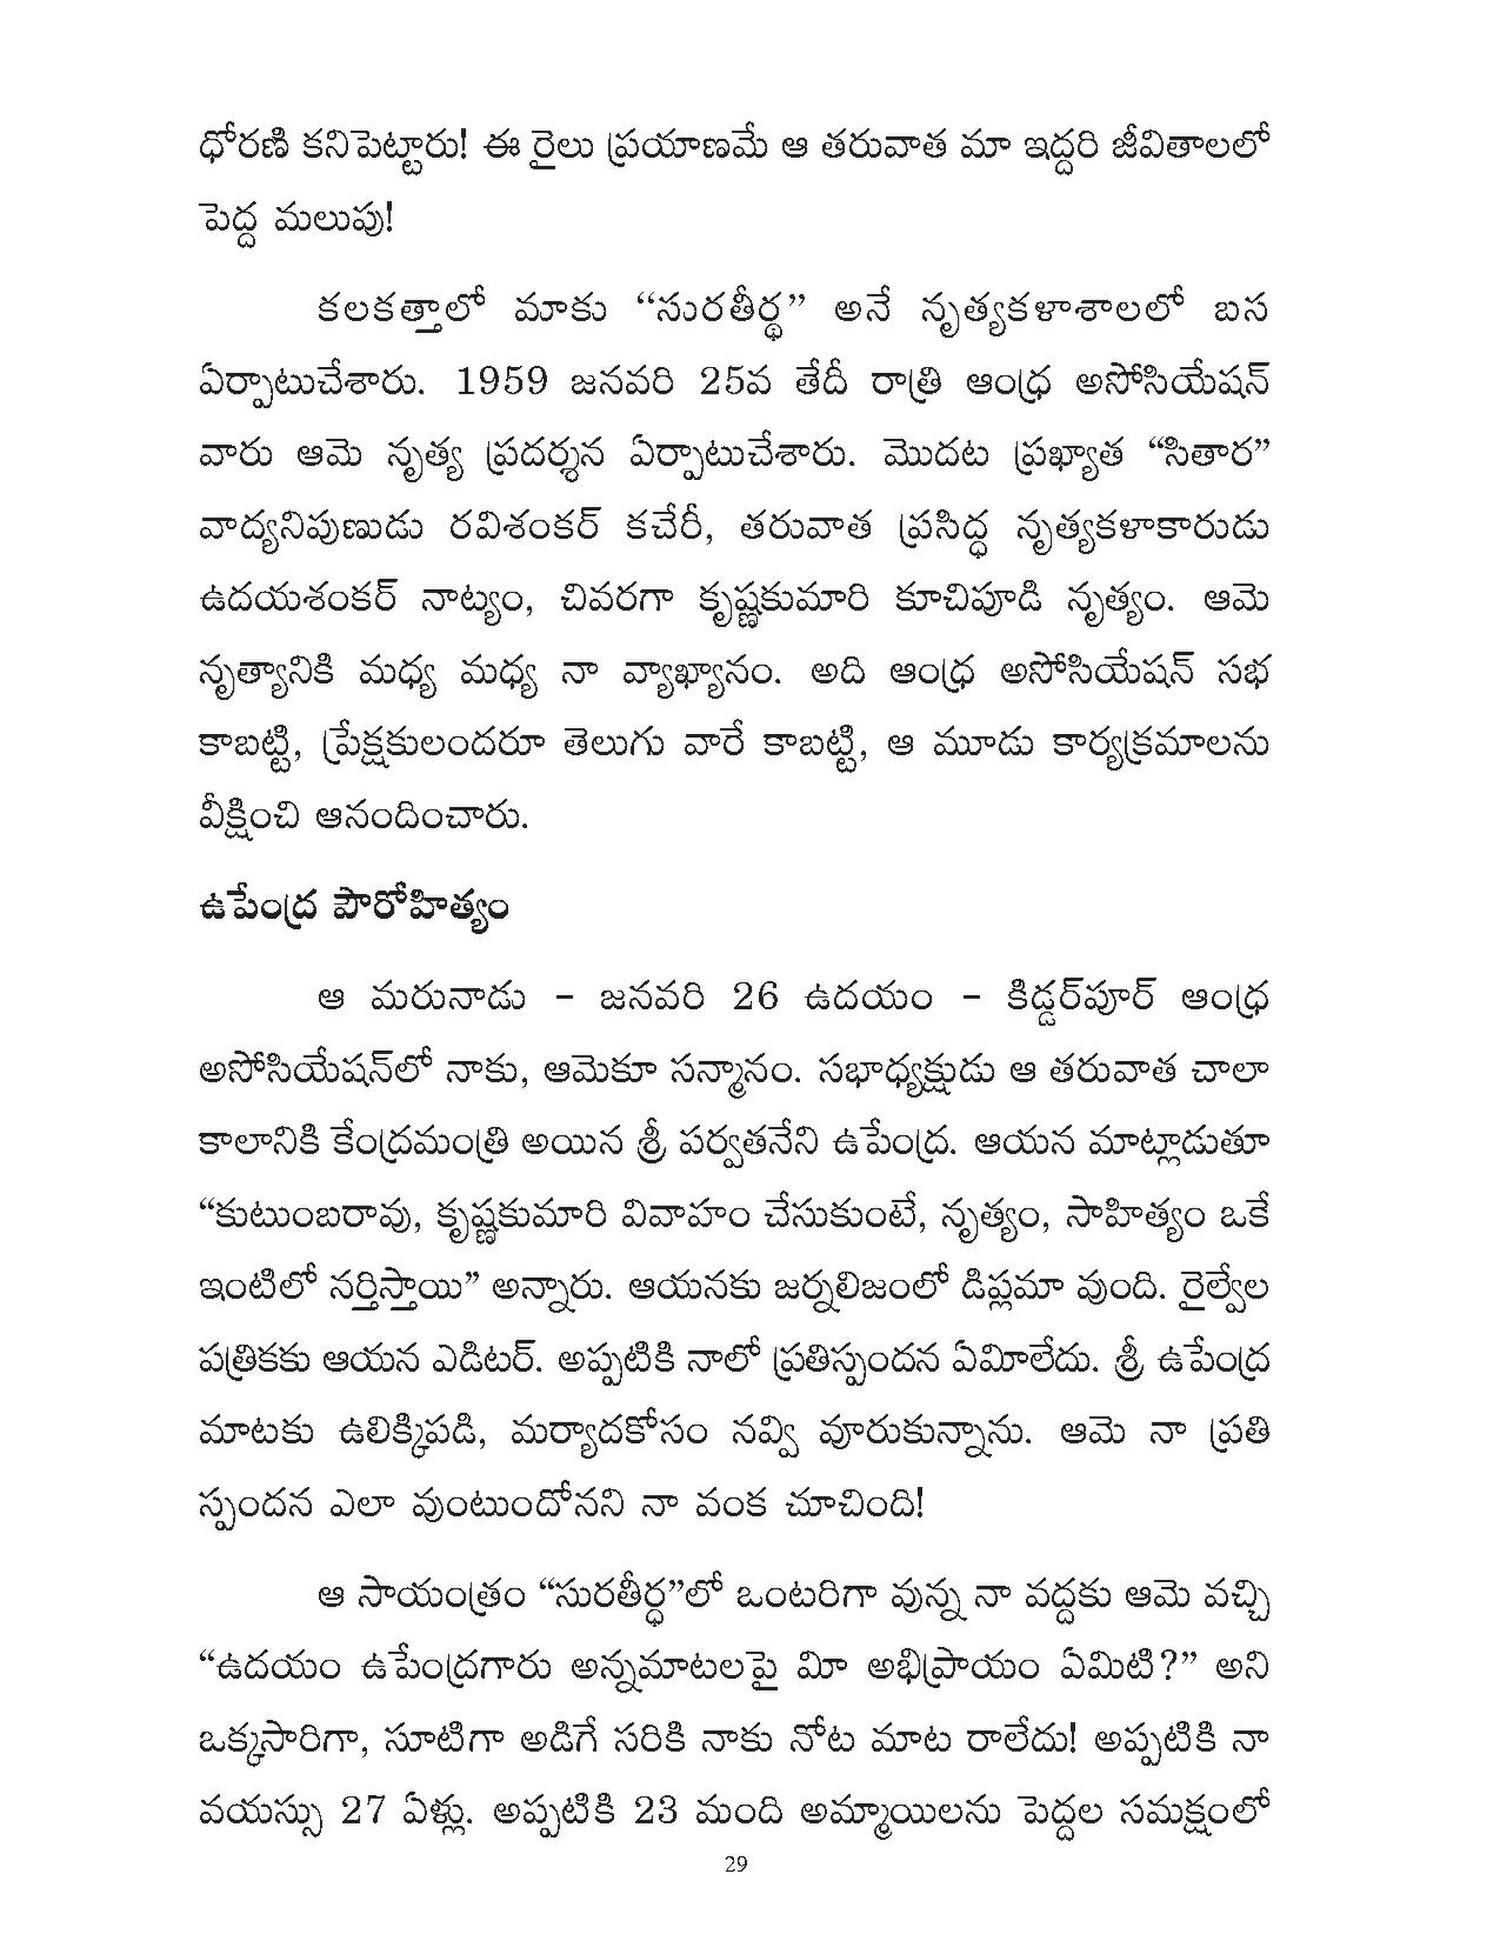ధోరణి కనిపెట్టారు! ఈ రైలు ప్రయాణమే ఆ తరువాత మా ఇద్దరి జీవితాలలో
పెద్ద మలుపు!

కలకత్తాలో మాకు "సురతీర్థ" అనే నృత్యకళాశాలలో బస
ఏర్పాటుచేశారు. 1959 జనవరి 25వ తేదీ రాత్రి ఆంధ్ర అసోసియేషన్‌
వారు ఆమె నృత్య ప్రదర్శన ఏర్పాటుచేశారు. మొదట ప్రఖ్యాత "సితార"
వాద్యనిపుణుడు రవిశంకర్‌ కచేరీ, తరువాత ప్రసిద్ధ నృత్యకళాకారుడు
ఉదయశంకర్‌ నాట్యం, చివరగా కృష్ణకుమారి కూచిపూడి నృత్యం. ఆమె
నృత్యానికి మధ్య మధ్య నా వ్యాఖ్యానం. అది ఆంధ్ర అసోసియేషన్‌ సభ
కాబట్టి, ప్రేక్షకులందరూ తెలుగు వారే కాబట్టి, ఆ మూడు కార్యక్రమాలను
వీక్షించి ఆనందించారు.

ఉపేంద్ర పౌరోహిత్యం
ఆ మరునాడు - జనవరి 26 ఉదయం - కిడ్డర్‌పూర్‌ ఆంధ్ర
అసోసియేషన్‌లో నాకు, ఆమెకూ సన్మానం. సభాధ్యక్షుడు ఆ తరువాత చాలా
కాలానికి కేంద్రమంత్రి అయిన శ్రీ పర్వతనేని ఉపేంద్ర. ఆయన మాట్లాడుతూ
"కుటుంబరావు, కృష్ణకుమారి వివాహం చేసుకుంటే, నృత్యం, సాహిత్యం ఒకే
ఇంటిలో నర్తిస్తాయి" అన్నారు. ఆయనకు జర్నలిజంలో డిప్లమా వుంది. రైల్వేల
పత్రికకు ఆయన ఎడిటర్‌. అప్పటికి నాలో ప్రతిస్పందన ఏమీలేదు. శ్రీ ఉపేంద్ర
మాటకు ఉలిక్కిపడి, మర్యాదకోసం నవ్వి వూరుకున్నాను. ఆమె నా ప్రతి
స్పందన ఎలా వుంటుందోనని నా వంక చూచింది!

ఆ సాయంత్రం "సురతీర్ధ"లో ఒంటరిగా వున్న నా వద్దకు ఆమె వచ్చి
"ఉదయం ఉపేంద్రగారు అన్నమాటలపై మీ అభిప్రాయం ఏమిటి?" అని
ఒక్కసారిగా, సూటిగా అడిగే సరికి నాకు నోట మాట రాలేదు! అప్పటికి నా
వయస్సు 27 ఏళ్లు. అప్పటికి 23 మంది అమ్మాయిలను పెద్దల సమక్షంలో